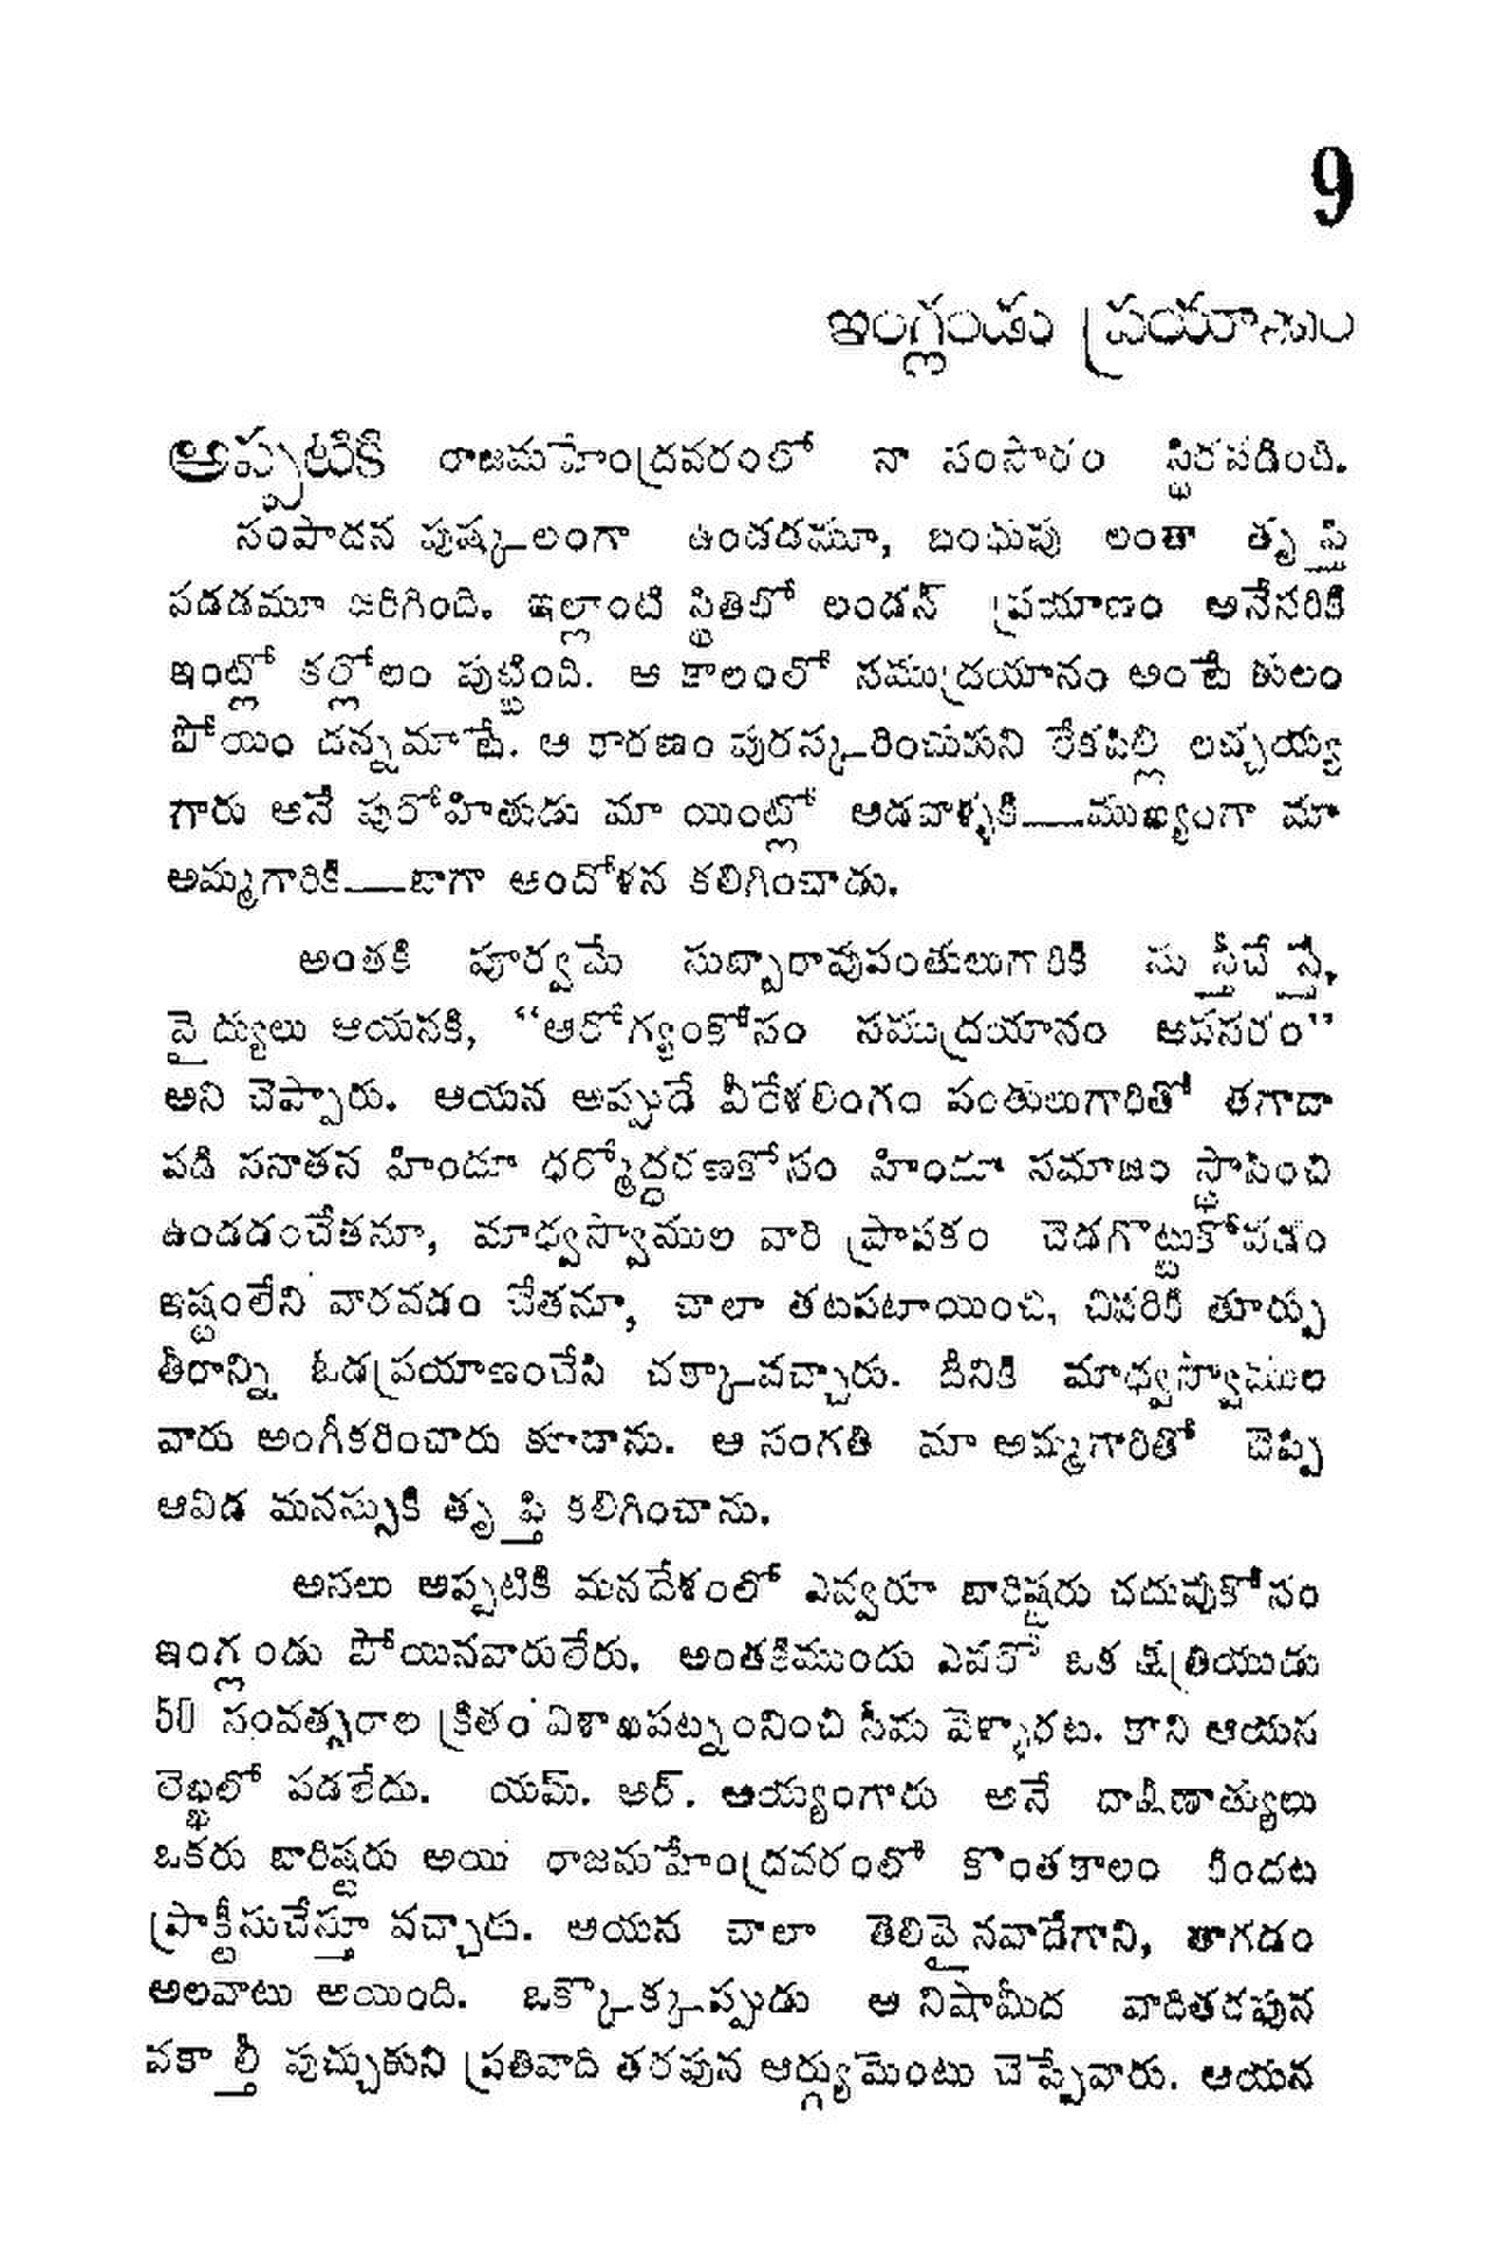అప్పటికి రాజమహేంద్రవరంలో నా సంసారం స్థిరపడింది. సంపాదన పుష్కలంగా ఉండడమూ, బంధువు లంతా తృప్తి పడడమూ జరిగింది. ఇల్లాంటి స్థితిలో లండన్ ప్రయాణం అనేసరికి ఇంట్లో కల్లోలం పుట్టింది. ఆ కాలంలో సముద్రయానం అంటే కులంపోయిం దన్నమాటే. ఆ కారణం పురస్కరించుకుని రేకపిల్లి లచ్చయ్యగారు అనే పురోహితుడు మా యింట్లో ఆడవాళ్ళకి - ముఖ్యంగా మా అమ్మగారికి - బాగా ఆందోళన కలిగించాడు.

అంతకి పూర్వమే సుబ్బారావుపంతులుగారికి సుస్తీచేస్తే, వైద్యులు ఆయనకి, "ఆరోగ్యంకోసం సముద్రయానం అవసరం" అని చెప్పారు. ఆయన అప్పుడే వీరేశలింగం పంతులుగారితో తగాదాపడి సనాతన హిందూ ధర్మోద్ధరణకోసం హిందూ సమాజం స్థాపించి ఉండడంచేతనూ, మాధ్వస్వాముల వారి ప్రాపకం చెడగొట్టుకోవడం ఇష్టంలేని వారవడం చేతనూ, చాలా తటపటాయించి, చివరికి తూర్పు తీరాన్ని ఓడప్రయాణంచేసి చక్కావచ్చారు. దీనికి మాధ్వస్వాములవారు అంగీకరించారు కూడాను. ఆ సంగతి మా అమ్మగారితో చెప్పి ఆవిడ మనస్సుకి తృప్తి కలిగించాను.

అసలు అప్పటికి మనదేశంలో ఎవ్వరూ బారిష్టరు చదువుకోసం ఇంగ్లండు పోయినవారులేరు. అంతకిముందు ఎవరో ఒక క్షత్రియుడు 50 సంవత్సరాల క్రితం విశాఖపట్నంనించి సీమ వెళ్ళారట. కాని ఆయన లెఖ్ఖలో పడలేదు. యం. ఆర్. అయ్యంగారు అనే దాక్షిణాత్యులు ఒకరు బారిష్టరు అయి రాజమహేంద్రవరంలో కొంతకాలం కిందట ప్రాక్టీసుచేస్తూ వచ్చారు. ఆయన చాలా తెలివైనవాడేగాని, తాగడం అలవాటు అయింది. ఒక్కొక్కప్పుడు ఆ నిషామీద వాదితరపున వకాల్తీ పుచ్చుకుని ప్రతివాది తరపున ఆర్గ్యుమెంటు చెప్పేవారు. ఆయన